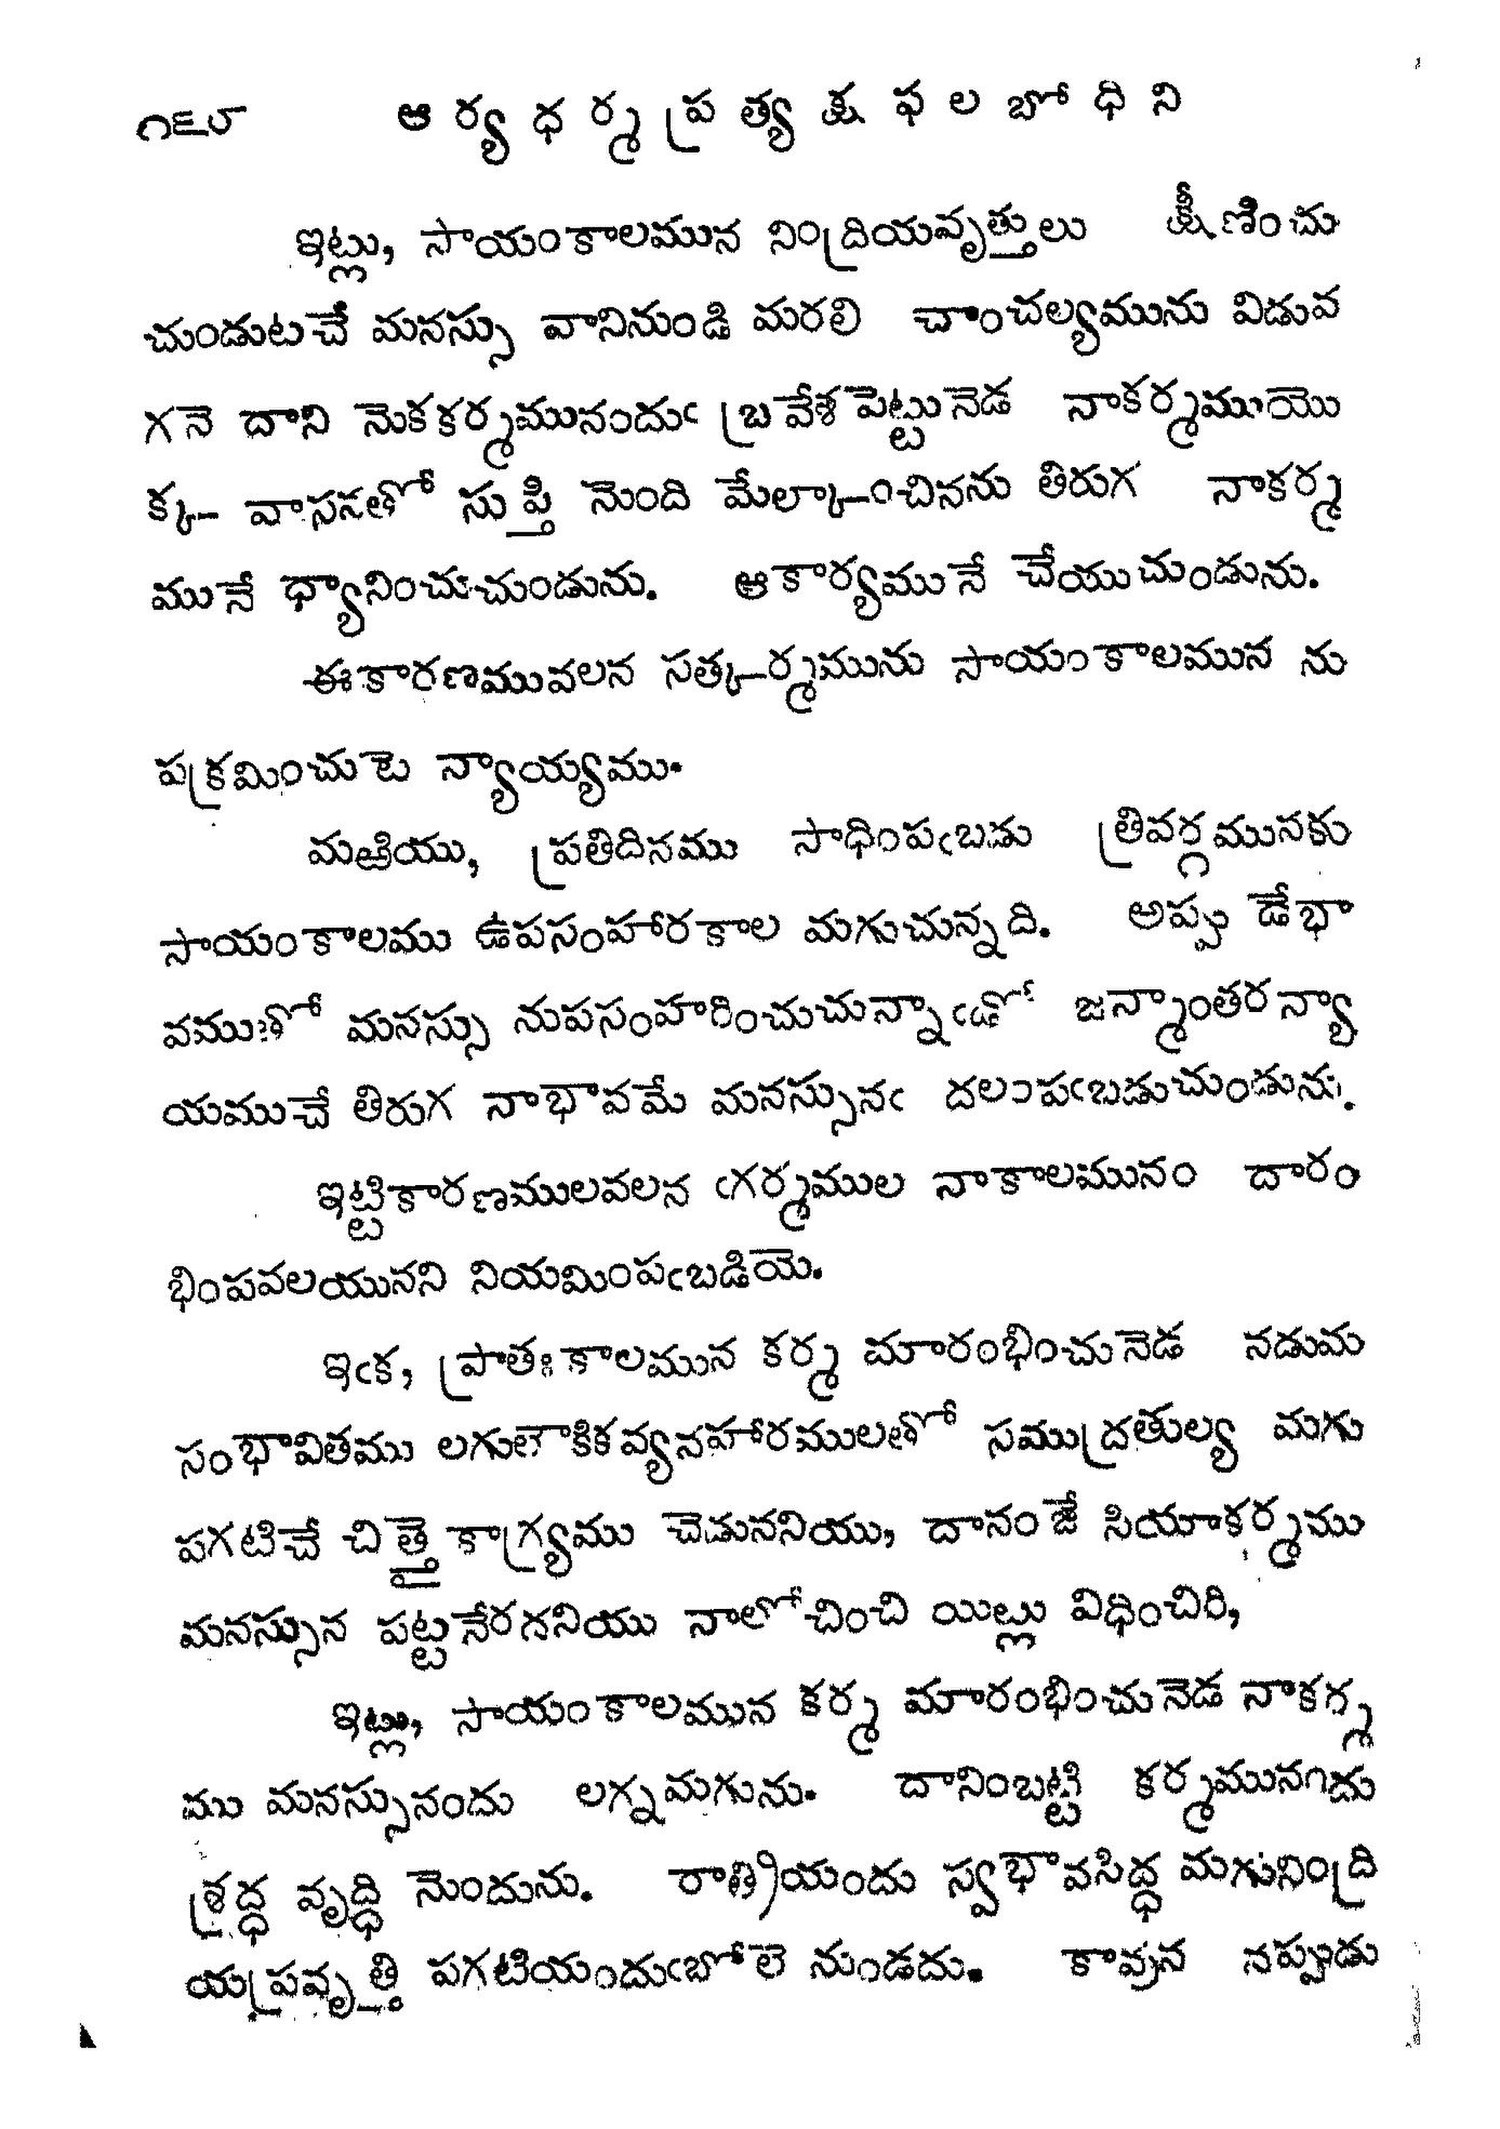ఇట్లు, సాయంకాలమున నింద్రియవృత్తులు క్షీణించు చుండుటచే మనస్సు వానినుండి మరలి చాంచల్యమును విడువగనె దాని నొకకర్మమునందుఁ బ్రవేశపెట్టునెడ నాకర్మముయొక్క వాసనతో సుప్తి నొంది మేల్కాంచినను తిరుగ నాకర్మమునే ధ్యానించుచుండును. ఆకార్యమునే చేయుచుండును.

ఈకారణమువలన సత్కర్మమును సాయంకాలమున నుపక్రమించుటె న్యాయ్యము.

మఱియు, ప్రతిదినము సాధింపఁబడు త్రివర్గమునకు సాయంకాలము ఉపసంహారకాల మగుచున్నది. అప్పు డేభావముతో మనస్సు నుపసంహరించుచున్నాఁడో జన్మాంతరన్యాయముచే తిరుగ నాభావమే మనస్సునఁ దలంపఁబడుచుండును.

ఇట్టికారణములవలన గర్మముల నాకాలమునం దారంభింపవలయునని నియమింపఁబడియె.

ఇఁక, ప్రాతఃకాలమున కర్మ మారంభించునెడ నడుమ సంభావితము లగులౌకికవ్యవహారములతో సముద్రతుల్య మగు పగటిచే చిత్తైకాగ్ర్యము చెడుననియు, దానంజేసియాకర్మము మనస్సున పట్టనేరదనియు
నాలోచించి యిట్లు విధించిరి.

ఇట్లు, సాయంకాలమున కర్మ మారంభించునెడ నాకర్మము మనస్సునందు లగ్నమగును. దానింబట్టి కర్మమునందు శ్రద్ధ వృద్ధి నొందును. రాత్రియందు స్వభావసిద్ధ మగునింద్రియప్రవృత్తి పగటియందుఁబోలె నుండదు. కావున నప్పుడు